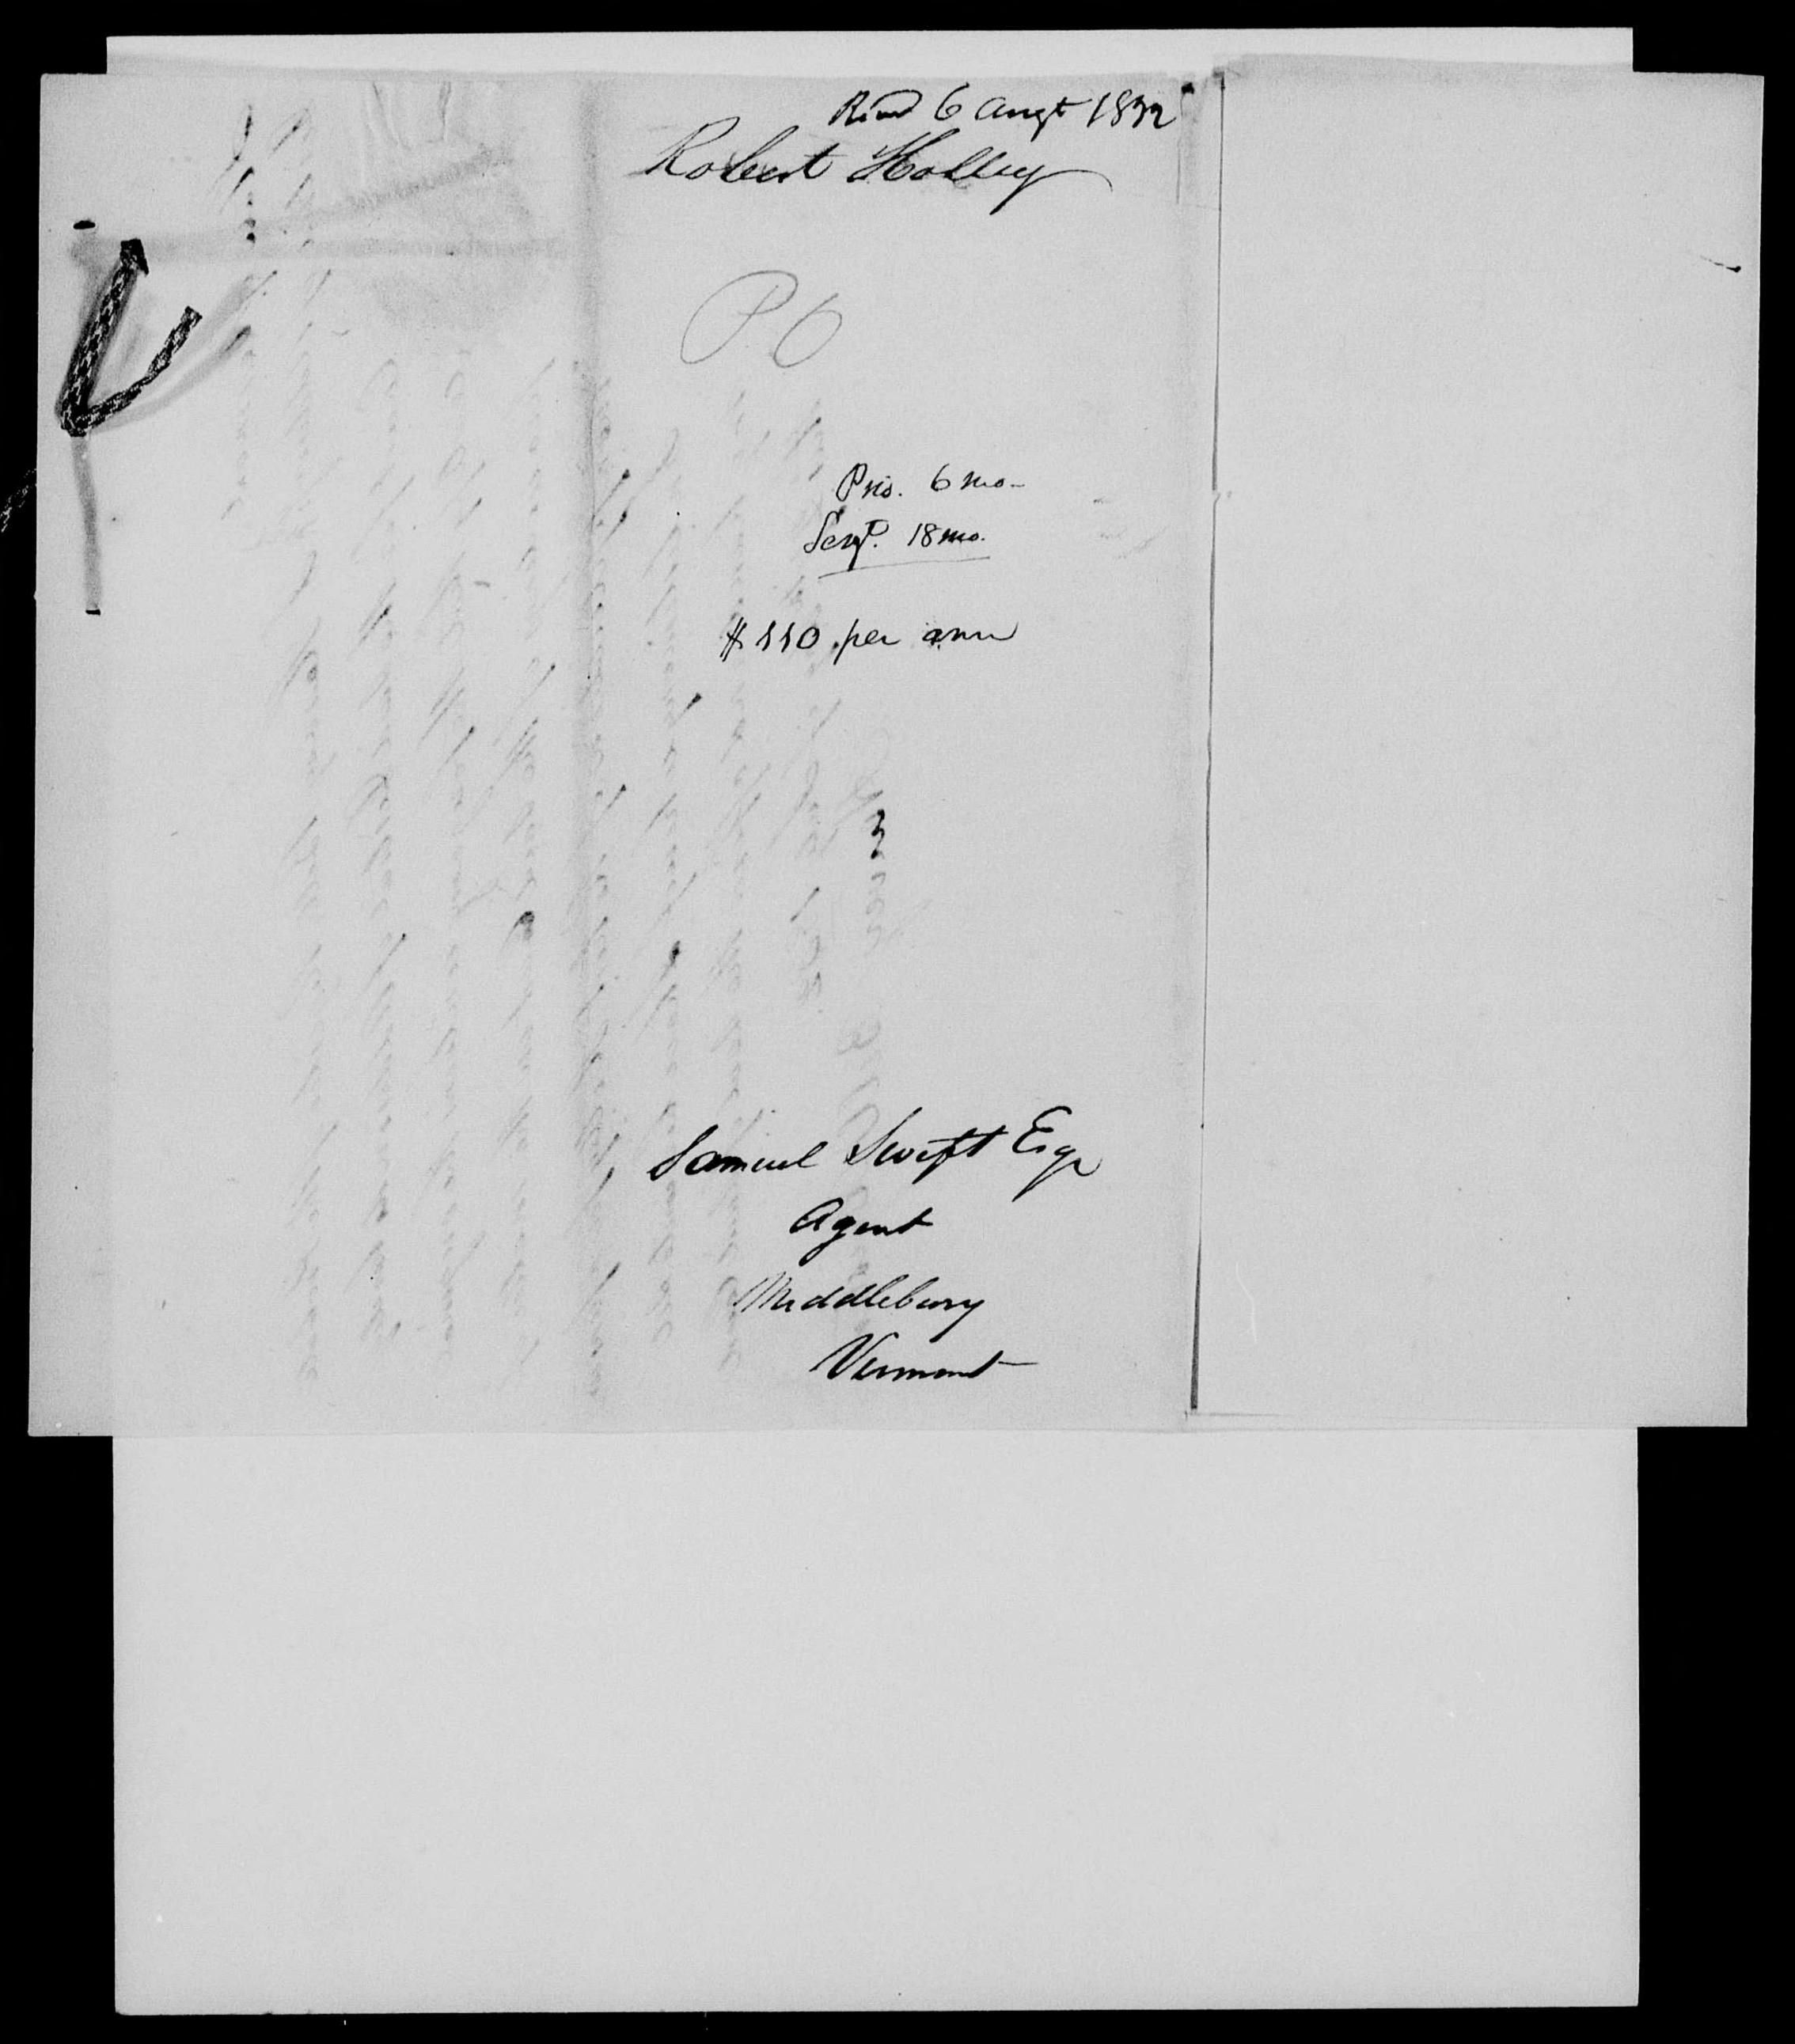Read 6 Augt 1832
Robert Halley
Prs. 6.
Sergt 18.
$80 per ann
Samuel Swift Eqr
Agent
Middlebury
Vermont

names: Samuel Swift, Robert Holley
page: 56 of 62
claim: widow's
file: W. 21391, Robert Holley, Conn.